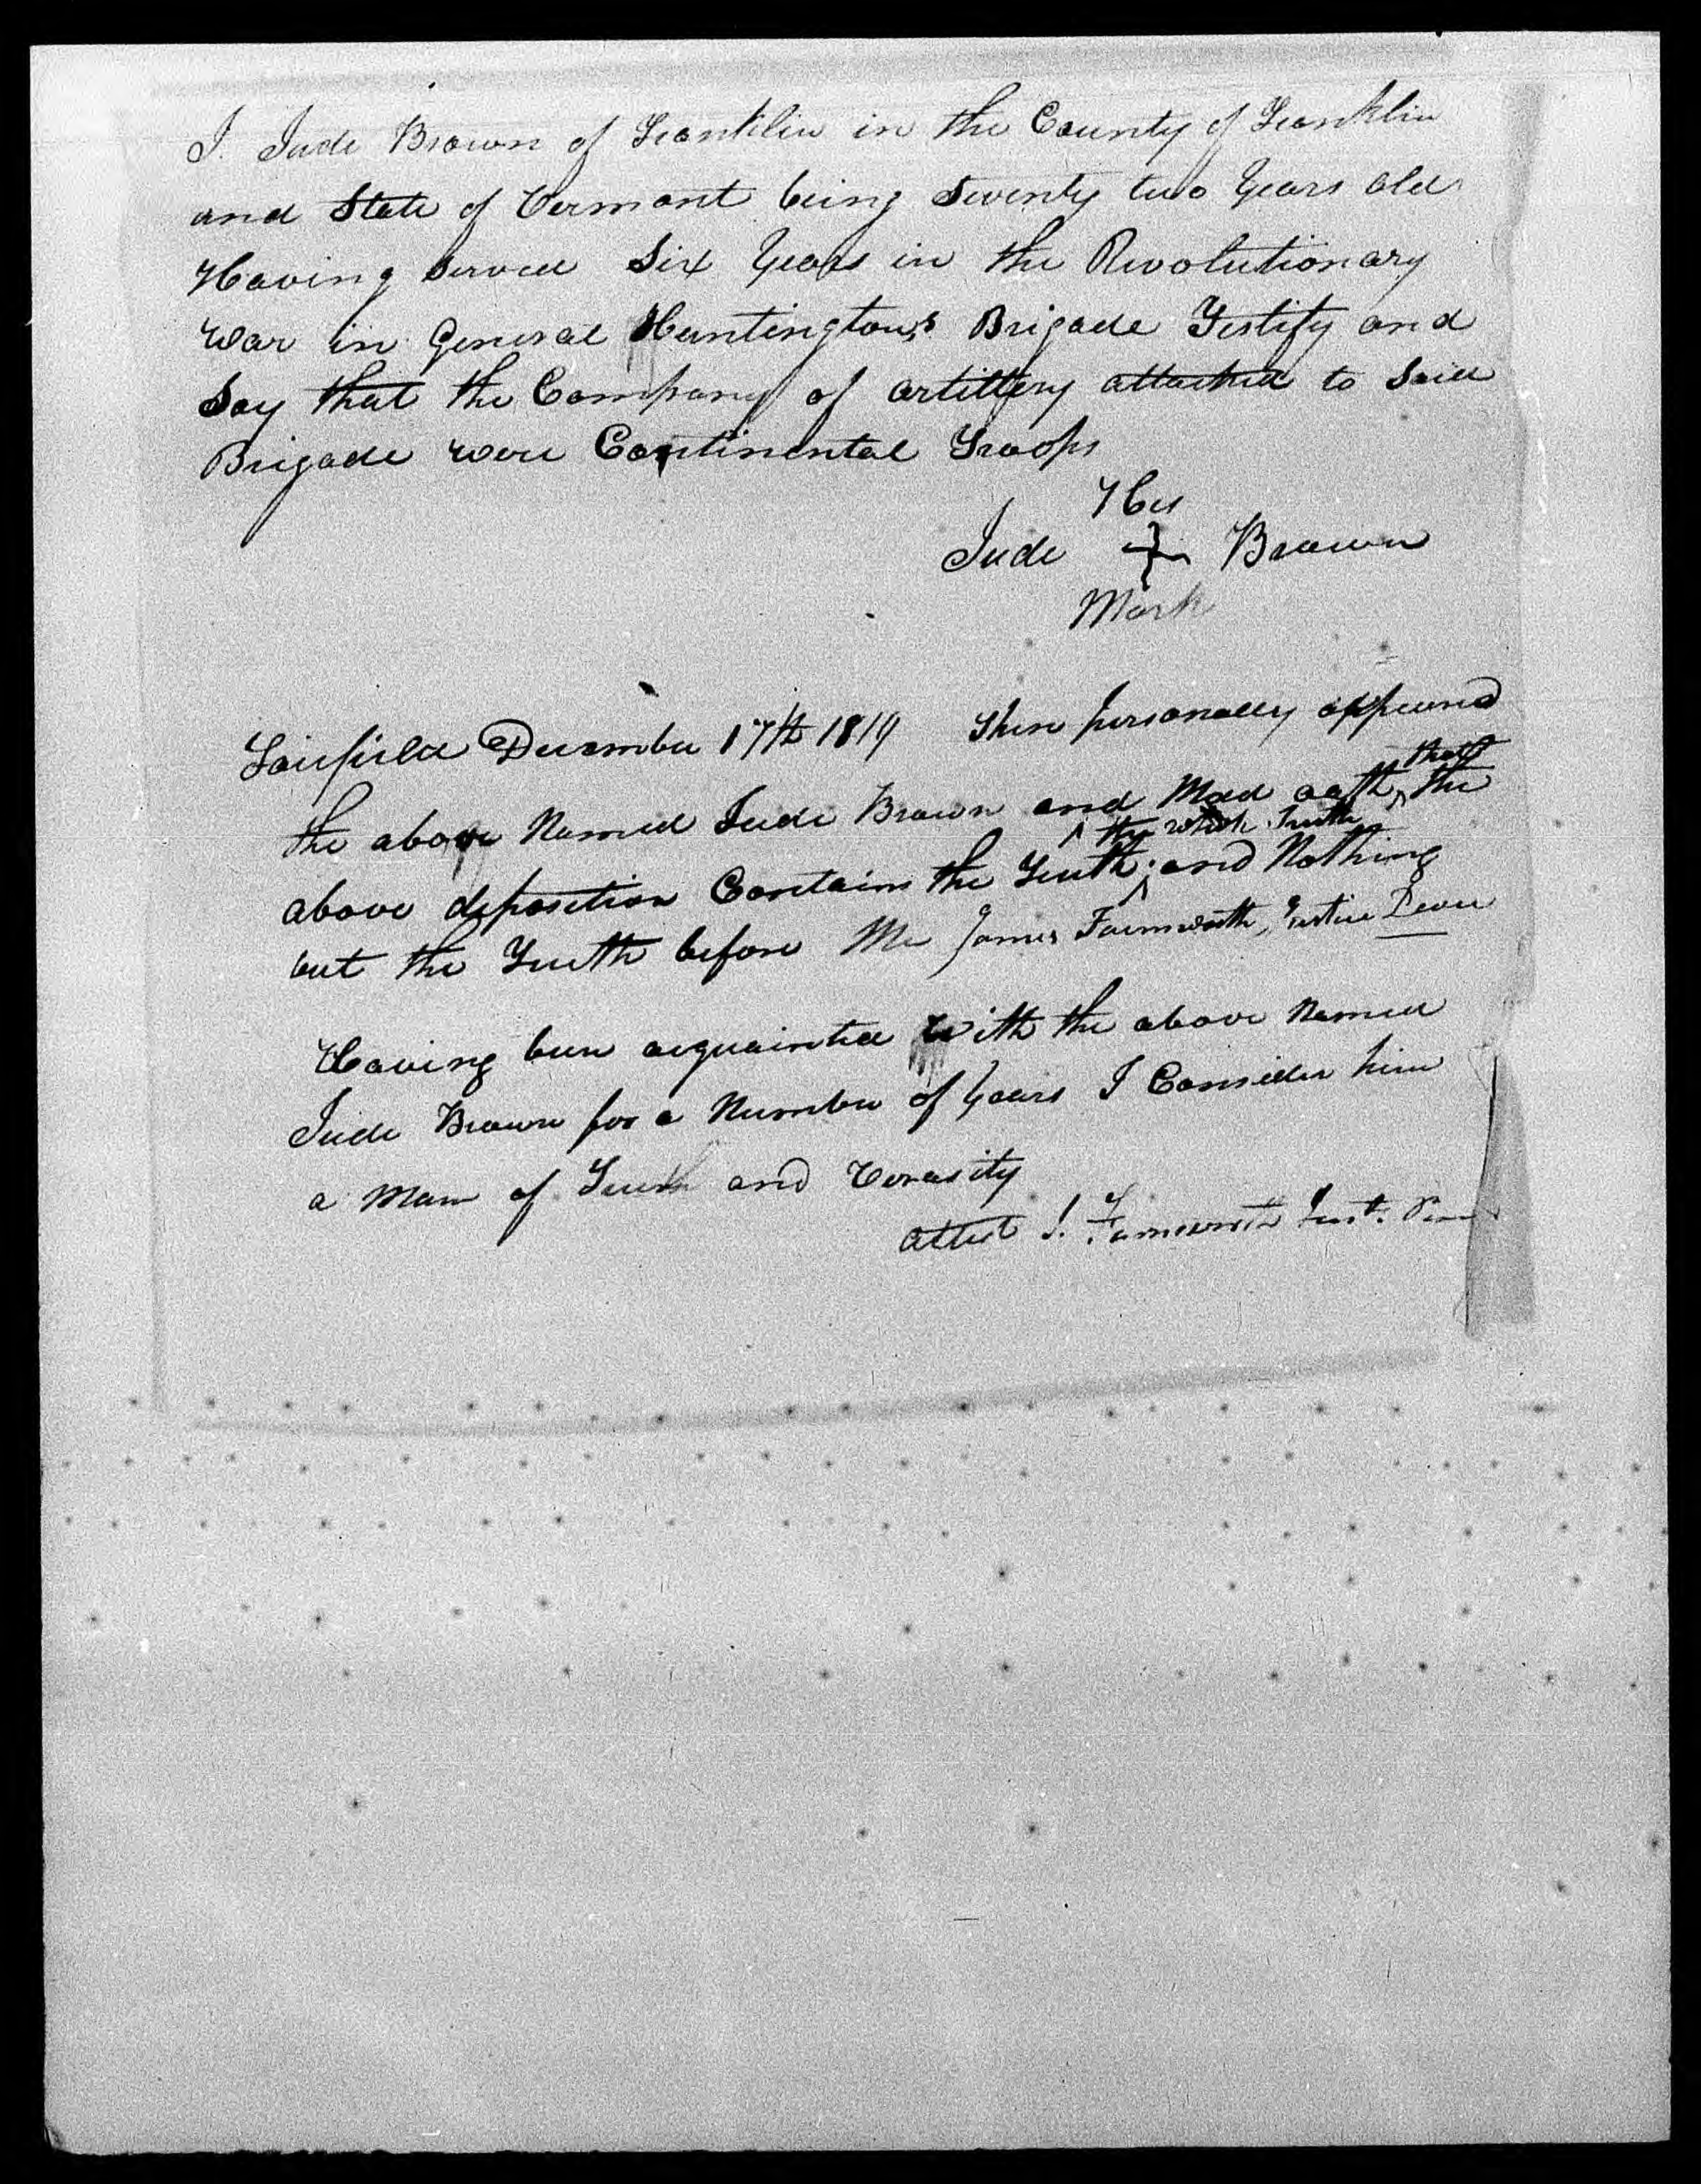I Jude Brown of ILLEGIBLE in the County of Fraklin and State of Vermont being Seventy two years old Having served six years in the Revolutionary war in general Huntingtons Brigade Testify and say that the company of artillery attribute to said Brigade were continental troops
Jude mark Brown
fairfield December 17th 1819 thus appeared the above namedJude Brown and ILLEGIBLE above deposition contains the truth and nothing but the truth before Mr James Farnsworth Jusice Peace Leaving how acquaint ace with the above named Jude Brown for a number of years J ILLEGIBE him a man of truth and verity
asserts J Farnsworth Just. Peace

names: James Farnsworth, Jude Brown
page: 43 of 58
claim: widow's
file: W. 25813, Jehiel Hull, Conn.